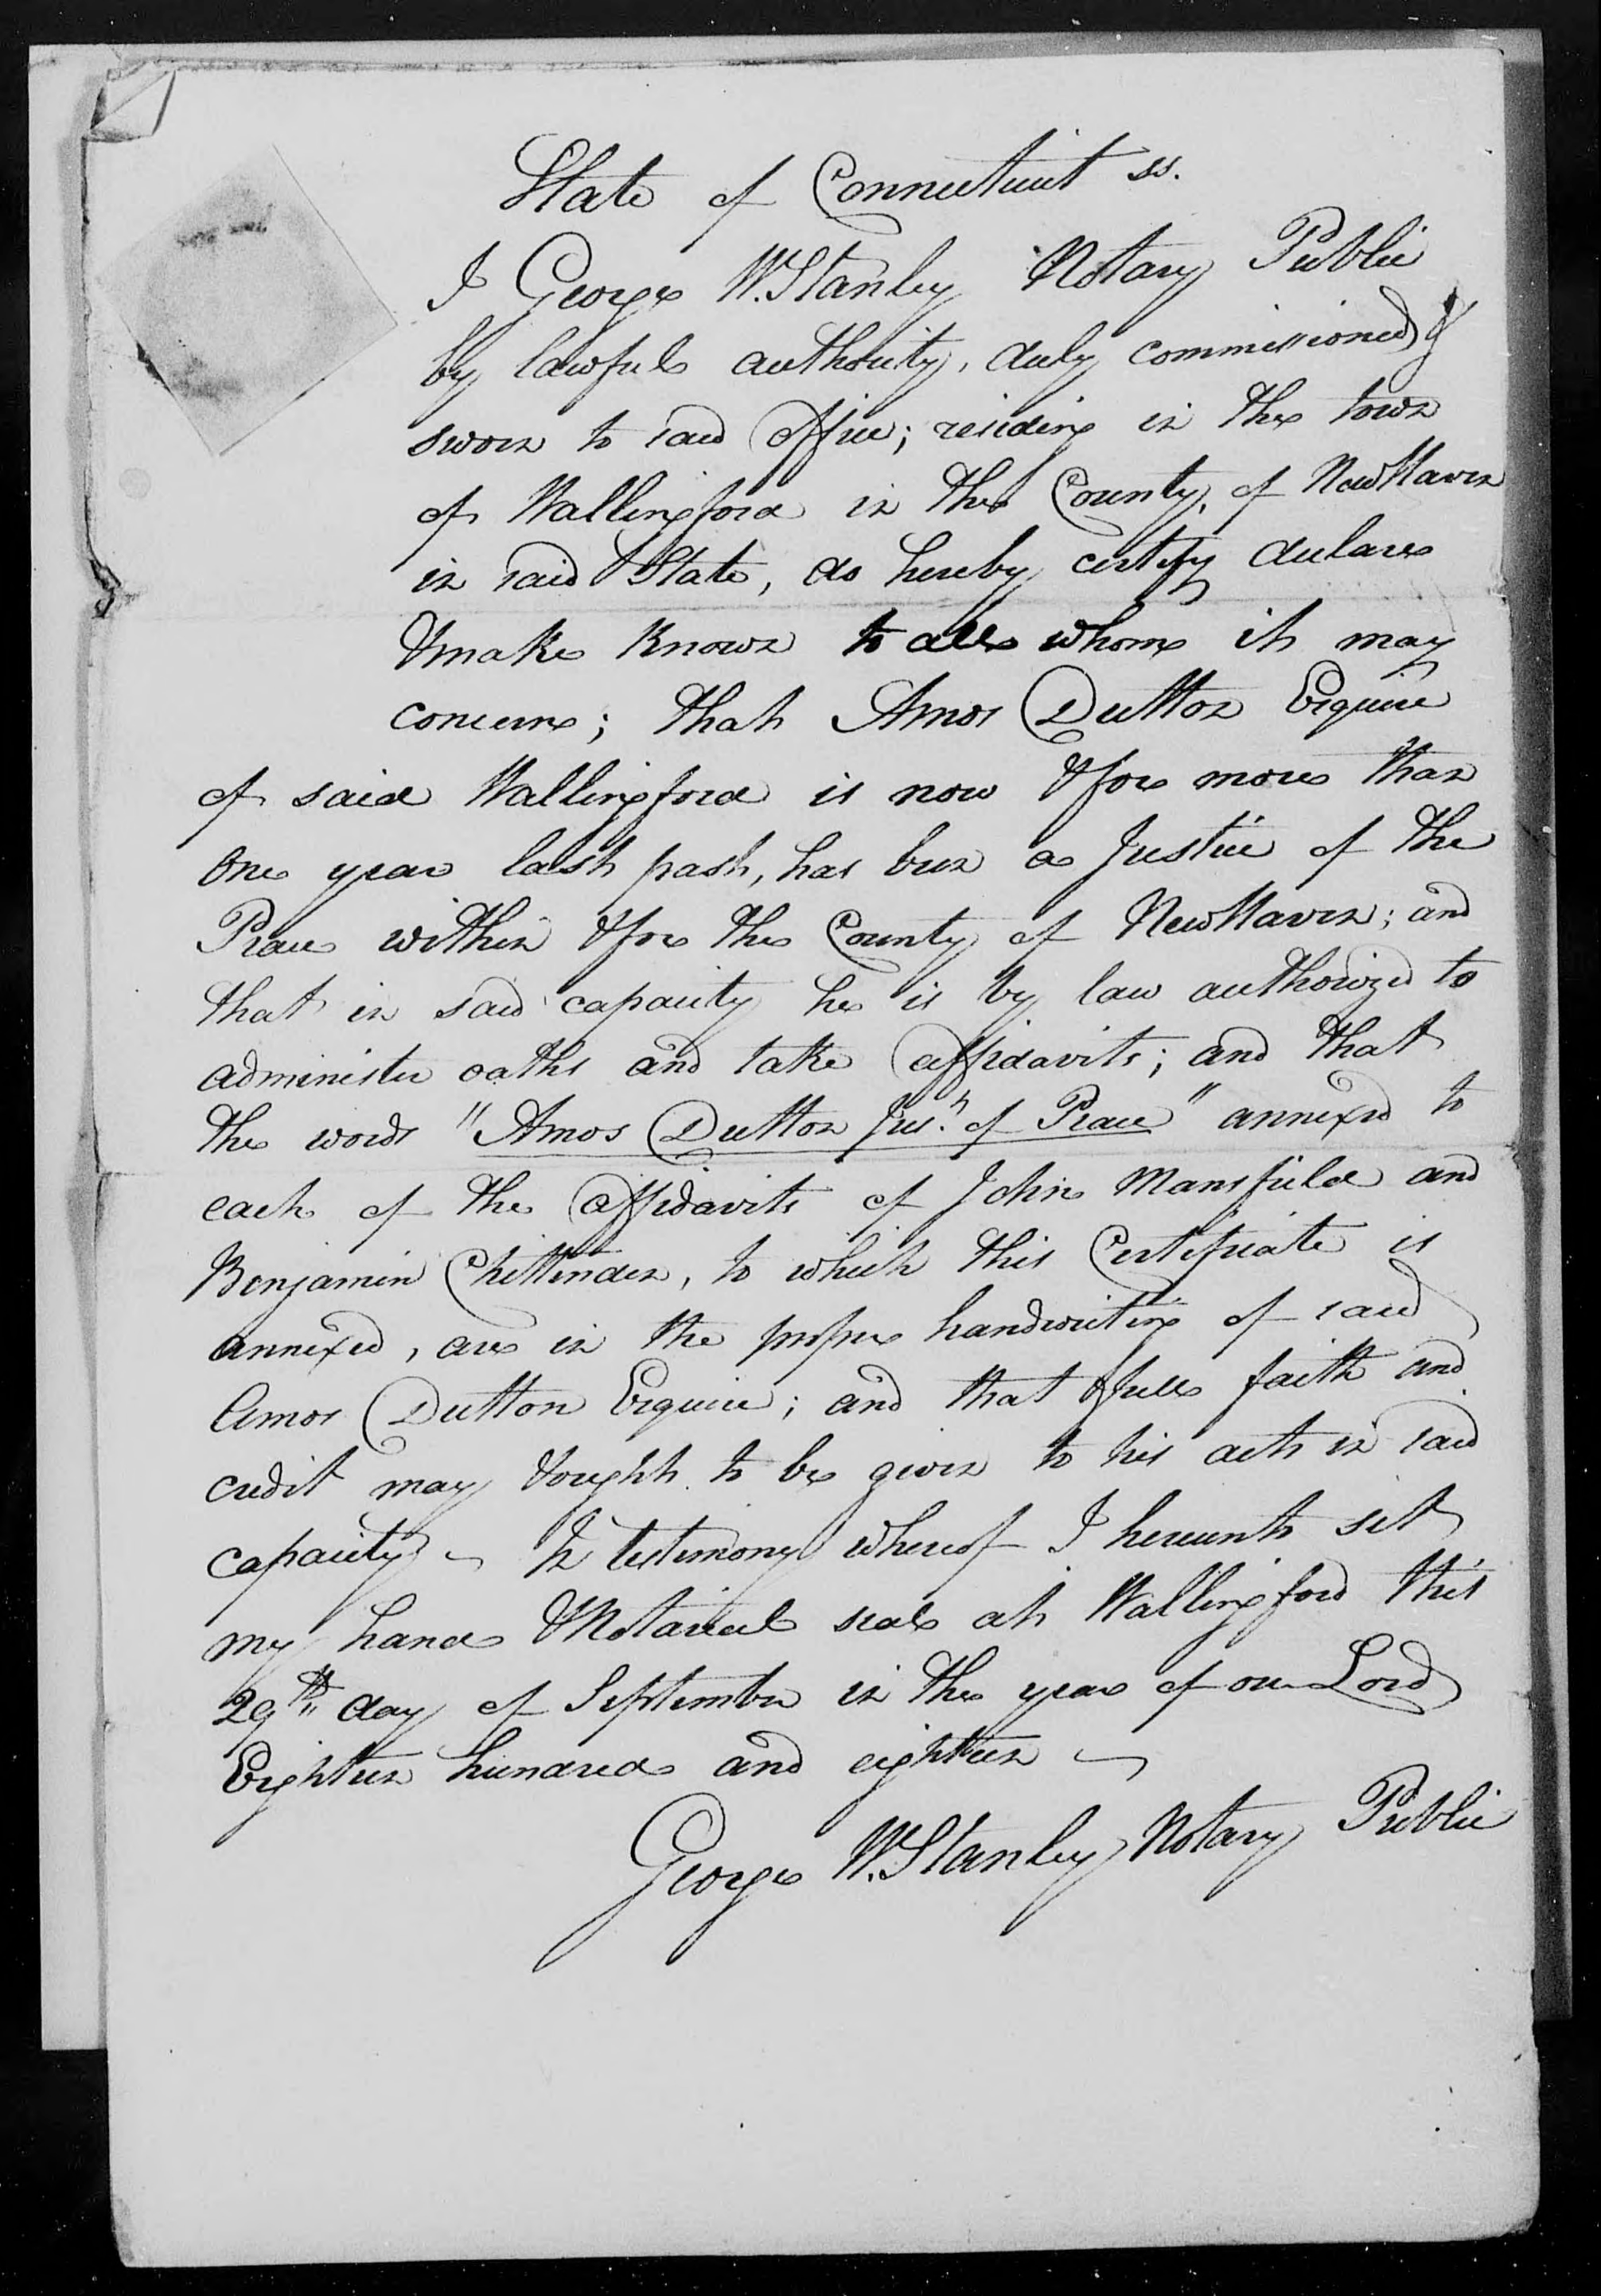State of Connecticut ss.
I George W. Stanley Notary Public
by lawful authority, duly commissioned &
Sworn to said office, residing in the town 
of Wallingford in the County of New Haven
in said State, do hereby certify declares
& make known to all whom it may
concern; That Amos Dutton Esquire
of said Wallingford is now & for more than
One year last past, has been a Justice of the
Peace within & for the County of New Haven, and
that in said capacity he is by law authorized to
administer oaths and take affidavits, and that 
the words "Amos Dutton Just of Peace" annexed to
each of the affidavits of John Mansfield and
Benjamin Chittenden, to which this certificate is
annexed, are in the proper handwriting of said
Amos Dutton Esquire, and that full faith and
Credit may & ought to be given to his acts in said
capacity - in testimony whereof I hereunto set
my hand & Notarial seal at Wallingford this
29th day of September in the year of our Lord
Eighteen hundred and eighteen -
George W. Stanley Notary Public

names: Amos Dutton; John Mansfield; Benjamin Chittenden; George W Stanley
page: 9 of 31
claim: survivor's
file: S. 43766, for Amos Parker, Connecticut